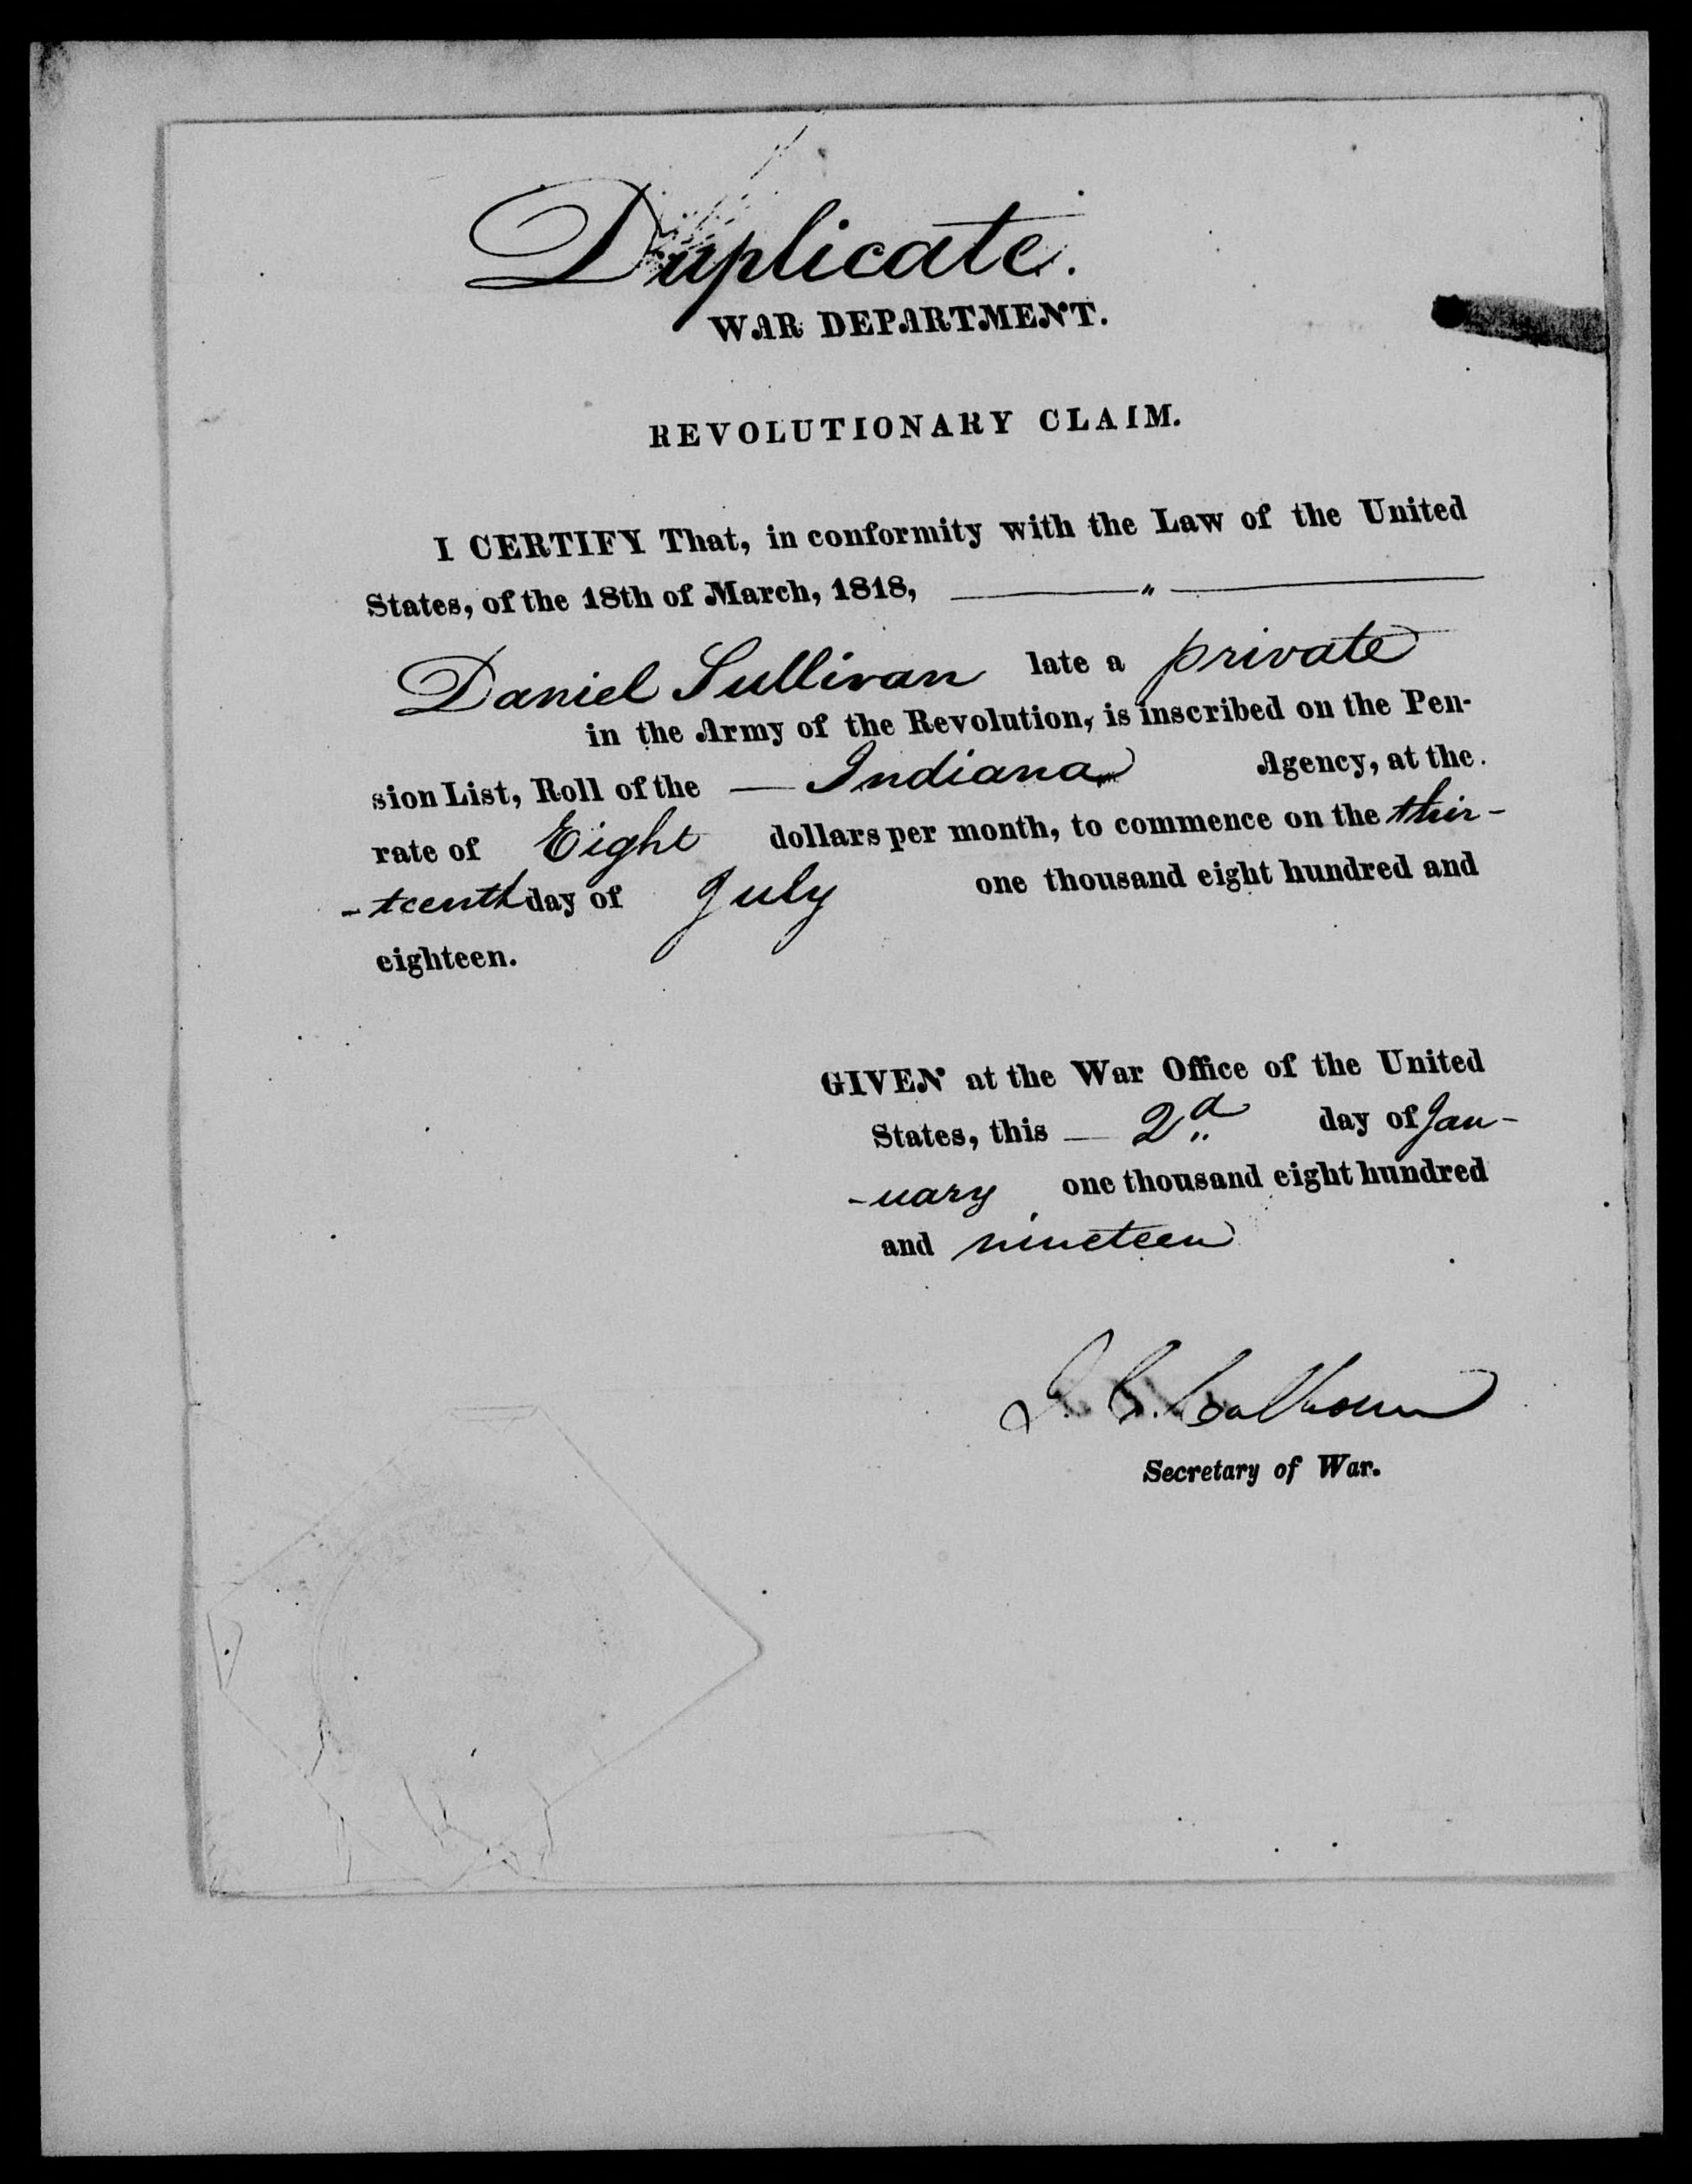[printed form, blanks filled by hand]

Duplicate
War Department

Revolutionary Claim

I certify that in conformity with the law of the United States, of the 18th of March 1818, Daniel Sullivan late a private in the Army of the Revolution, is inscribed on the Pension List, Roll of the Indiana Agency at the rate of eight dollars per month to commence on the thirteenth day of July one thousand eight hundred and eighteen.

Given at the War Office of the United States, this 2d day of January one thousand eight hundred and nineteen.

[signed] J. C. Calhoun
Secretary of War

[illegible seal affixed lower left]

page: 63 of 78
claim: widow's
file: W. 25,169, for Daniel Sullivan, Maryland